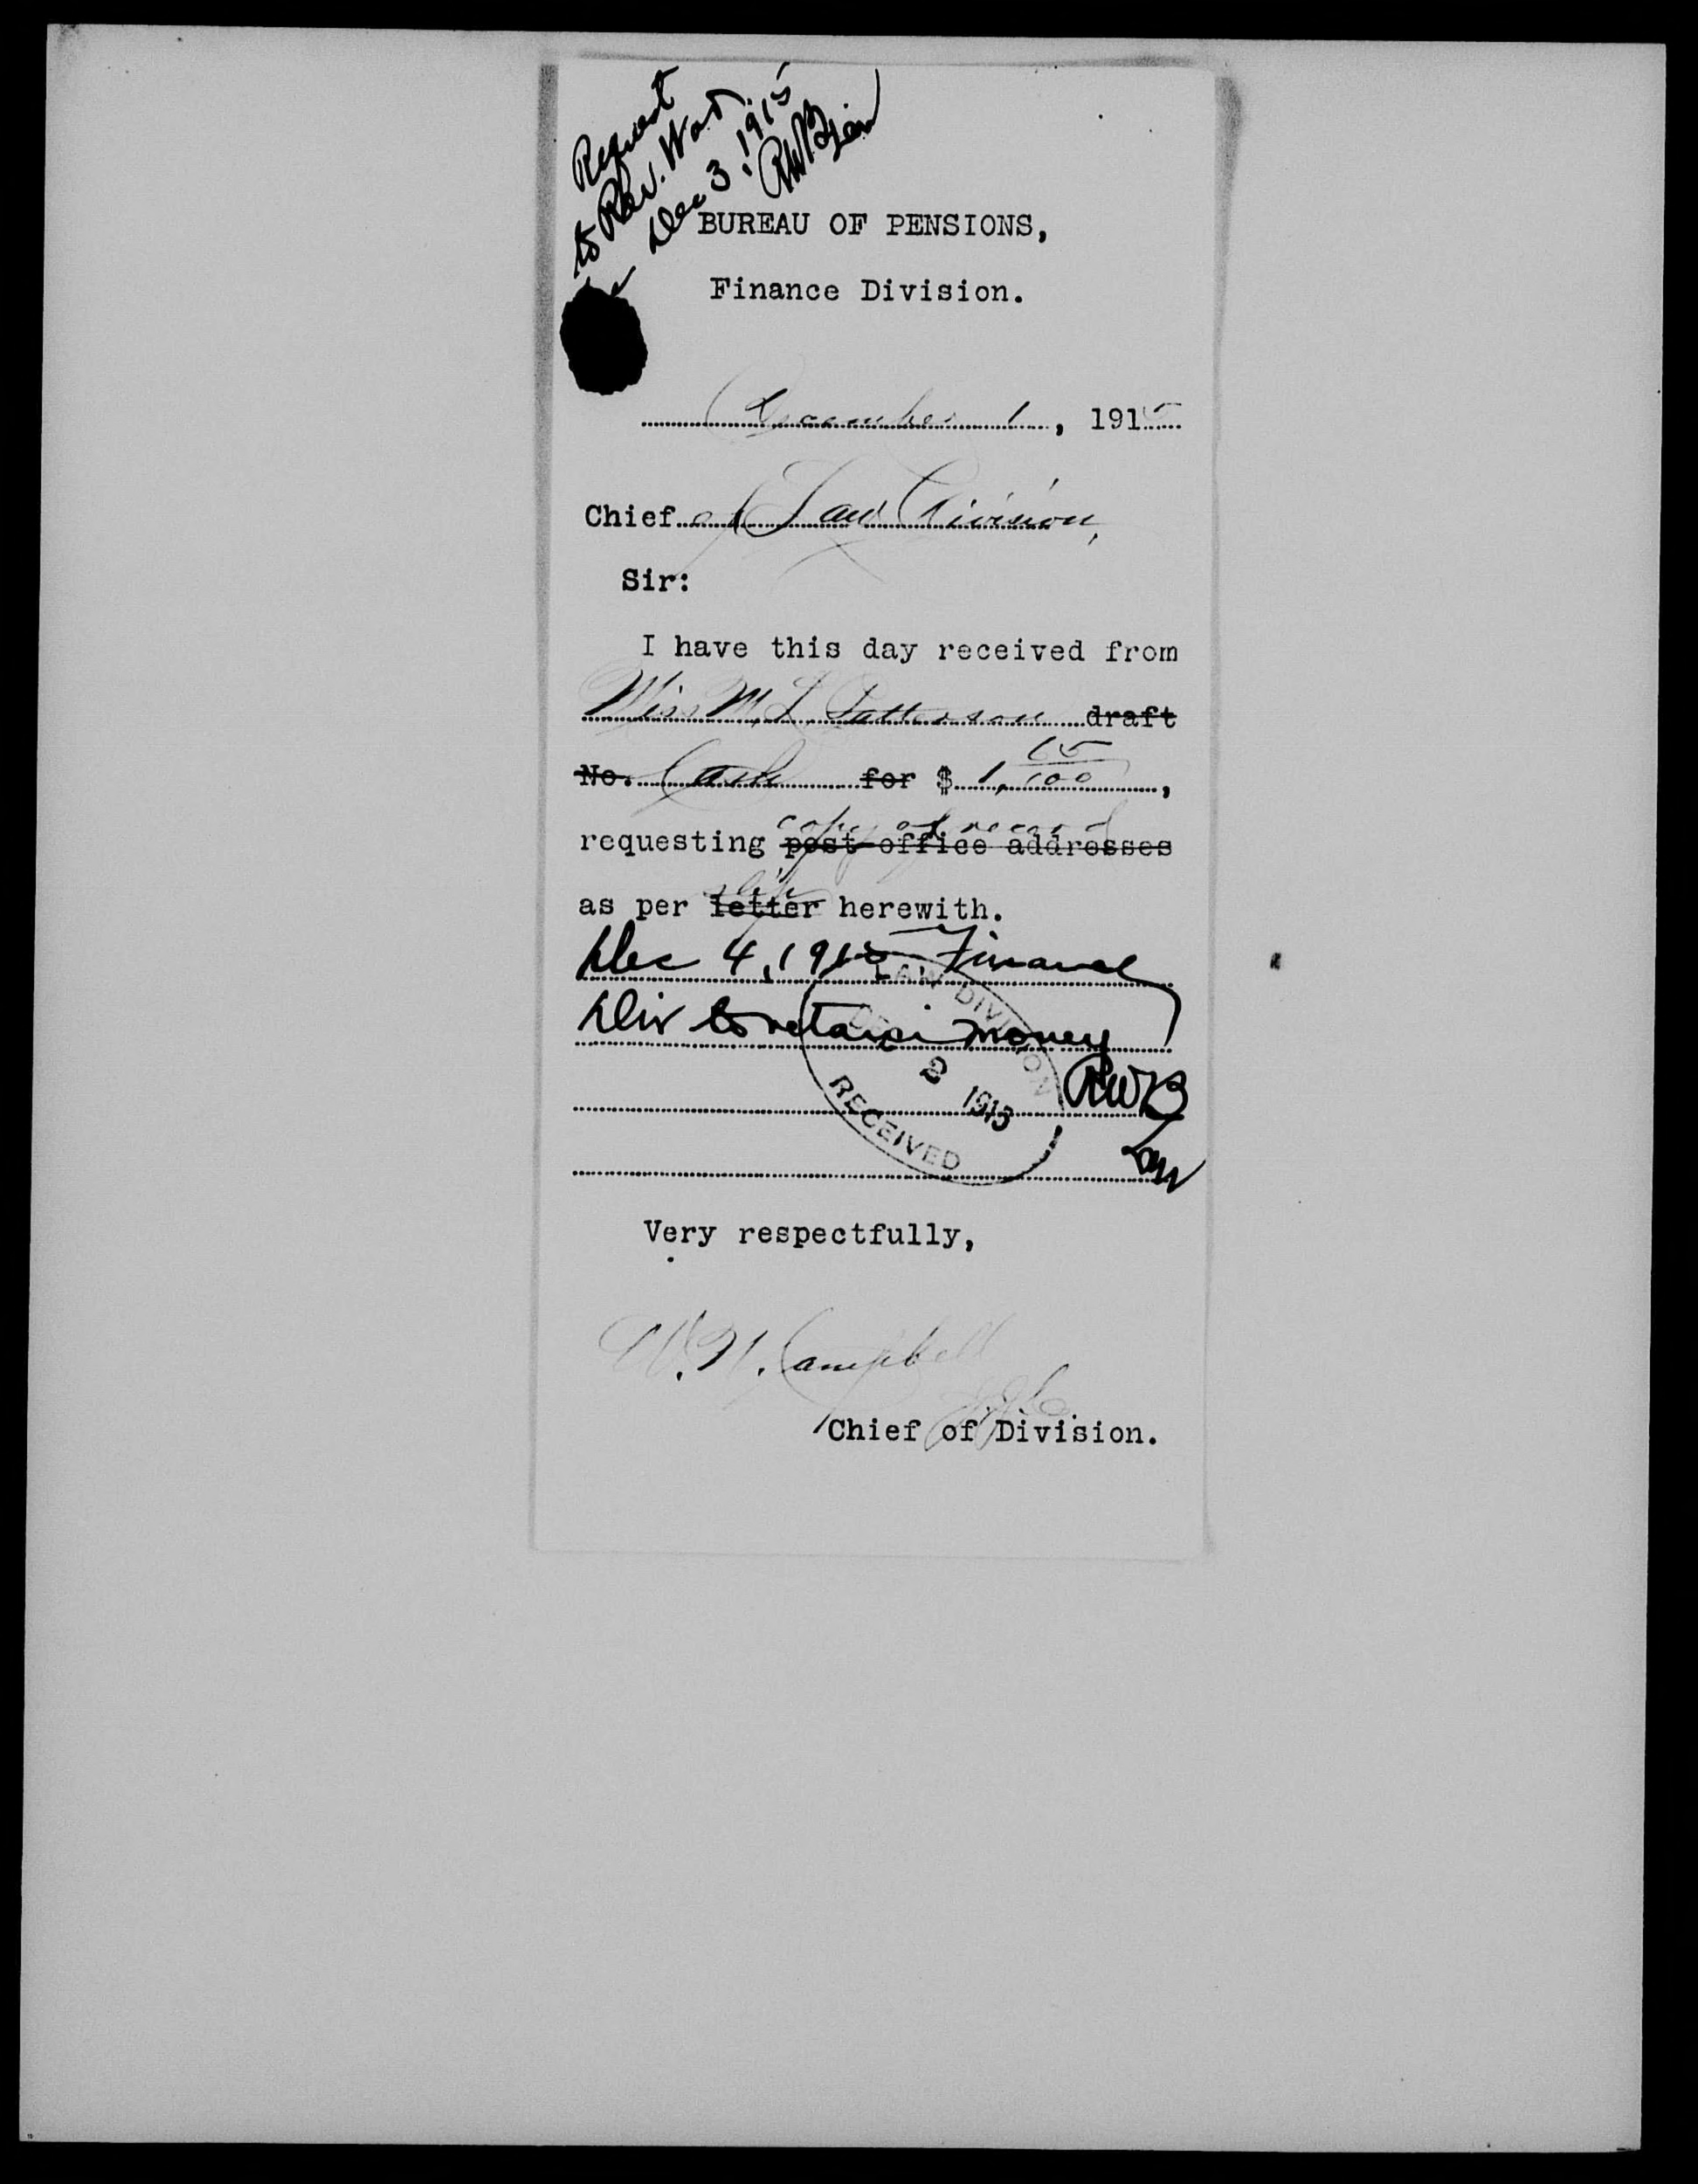[handwritten note at top of a form]
Request to Rev. War Dec 3, 1915. 
R.W.B Law
BUREAU OF PENSIONS
Finance Division
December 1, 1915
Chief of Law Division
Sir:
I have received this day from Miss M. L. Patterson cash $1. 65/100
requesting copy of record as per slip herewith
Dec 4 1915 Finance
Dir to retain money
RWB Law
Very respectfully, 
W. H. Campbell
Chief of Division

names: M L Patterson; W H Campbell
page: 26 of 34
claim: survivor's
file: S. 19483, for John Taliaferro, Virginia